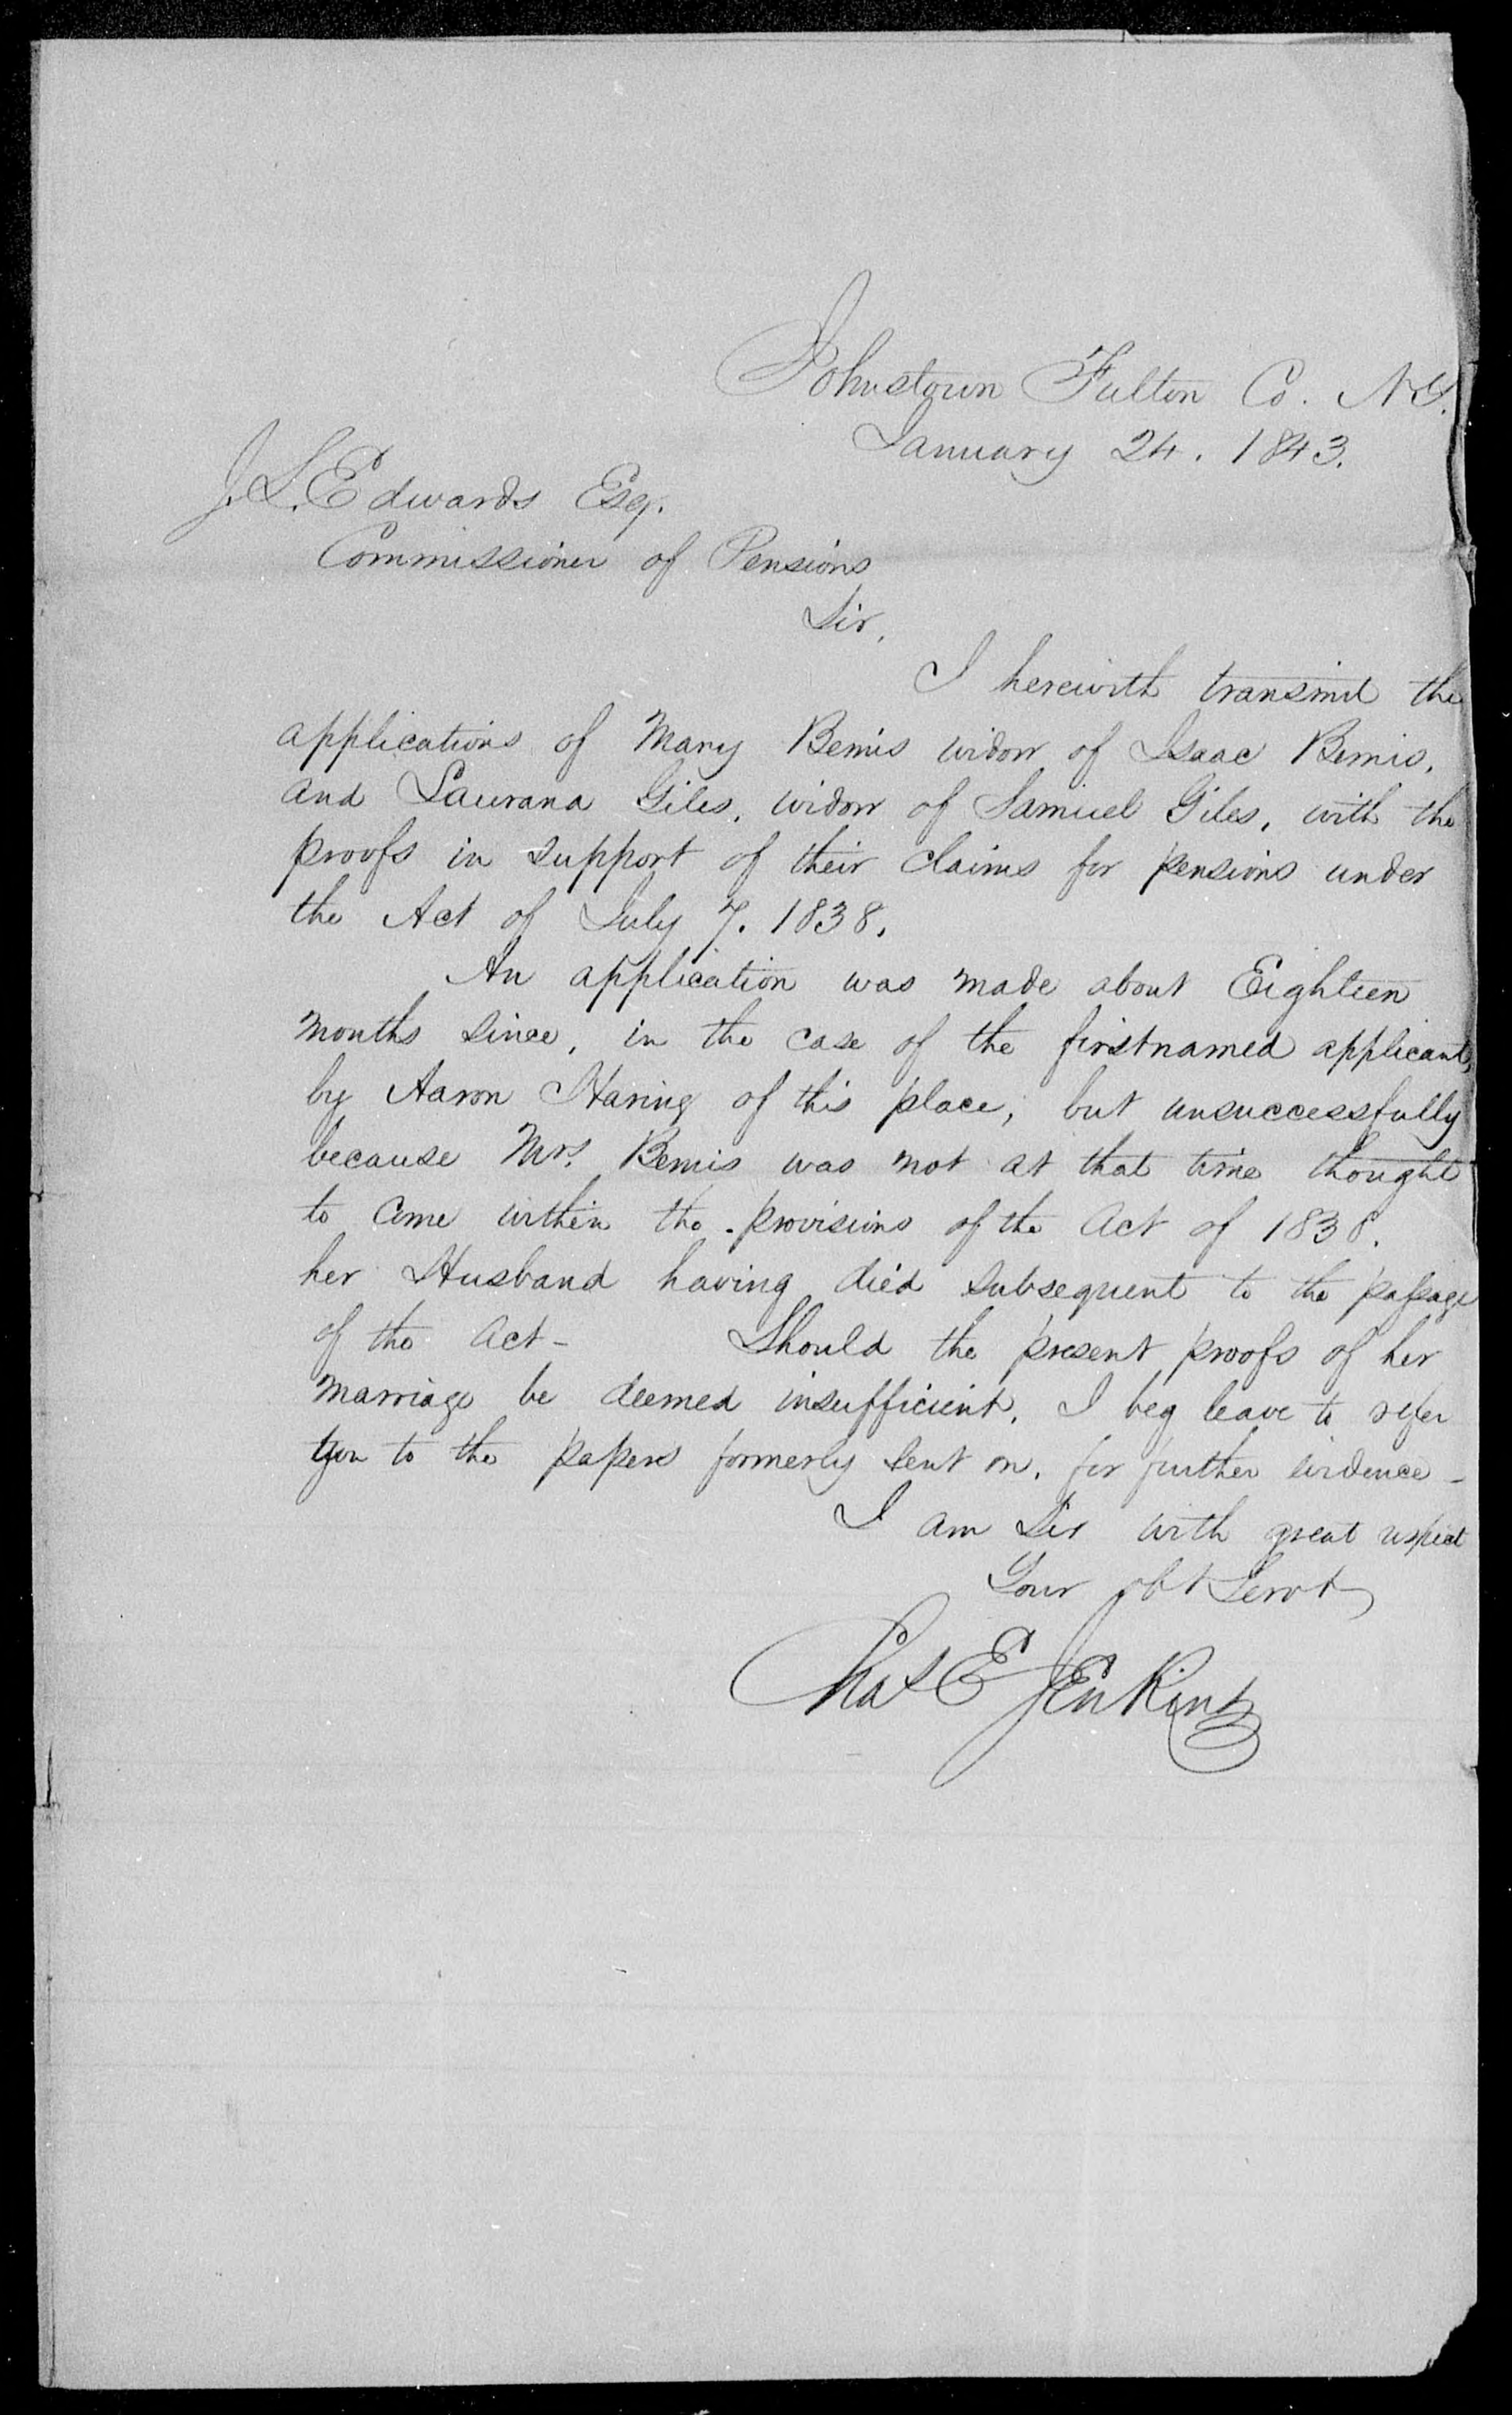[handwritten]
Johnstown Fulton Co. NY
January 24, 1843.

J.L.Edwards Esq.
Commissioner of Pensions

Sir.

I herewith transmit the applications of Mary Bemis widow of Isaac Bemis, and Laurana Giles, widow of Samuel Giles, with the proofs in support of their claims for pensions under the Act of July 7. 1838.

An application was made about Eighteen months since, in the case of the first named applicant, by Aaron Haring of this place, but unsuccessfully because Mrs Bemis was not at that time thought to come within the provisions of the Act of 1838, her Husband having died subsequent to the passage of the act. Should the present proofs of her marriage be deemed insufficient. I beg leave to refer you to the papers formerly sent on, for further evidence.

I am Sir with great respect
Your Obt Servant
Chas E Jenkins
[/handwritten]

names: Chas E Jenkins, Isaac Bemis, Laurana Giles, Aaron Haring, Bemis, Mary Bemis, Samuel Giles, J L Edwards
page: 46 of 55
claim: widow's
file: W. 19503, Samuel Giles, Conti. Mass. New York